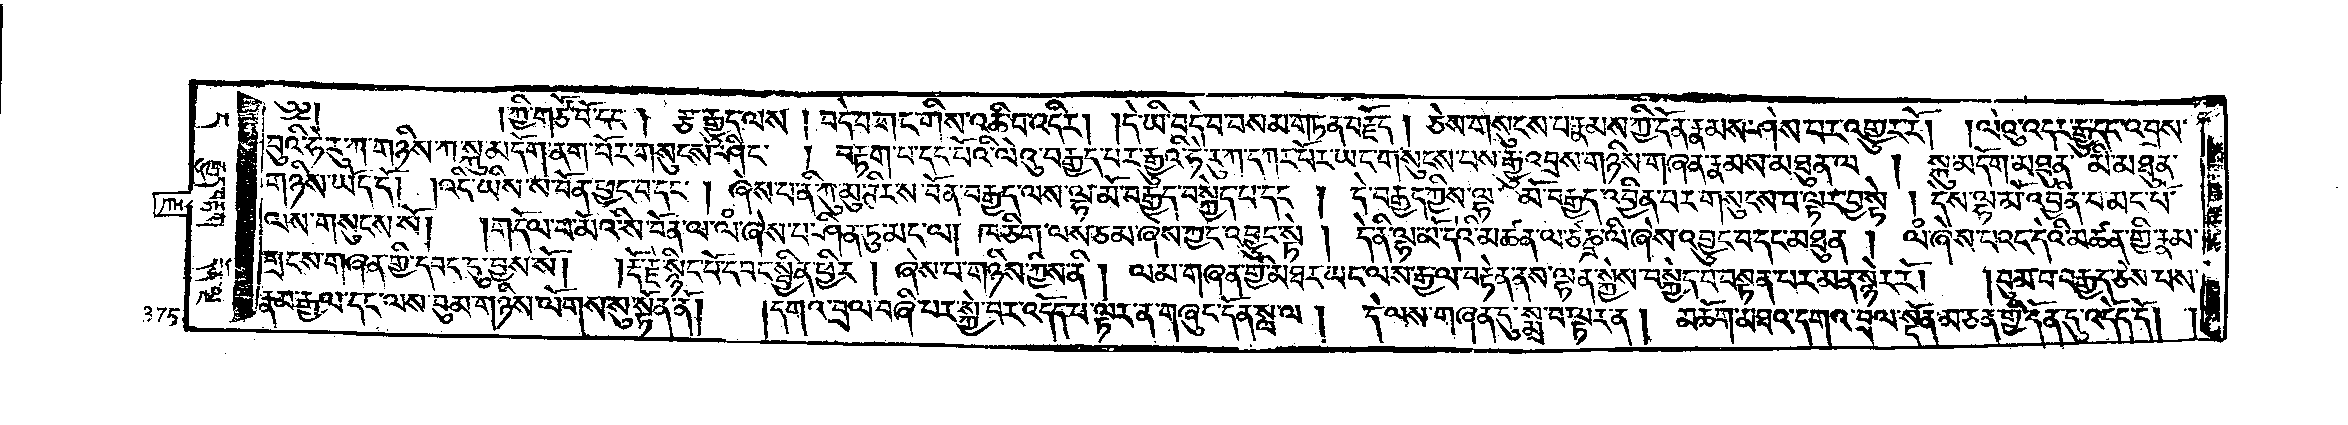༄༅། །ཀྱི་གཙོ་བོ་དང་། རྩ་རྒྱུད་ལས། བདེ་བ་གང་གིས་འཆི་བ་འདིར། །དེ་ཡི་བདེ་བ་བསམ་གཏན་བརྗོད། ཅེས་གསུངས་པ་རྣམས་ཀྱི་དོན་རྣམས་ཤེས་པར་འགྱུར་རོ། །ལེའུ་འདར་རྒྱུ་དང་འབྲས་
བུའི་ཧེ་རུ་ཀ་གཉིས་ཀ་སྐུ་མདོག་ནར་པོར་གསུངས་ཤིང་། བརྟག་པ་དང་པོའི་ལེའུ་བརྒྱད་པར་རྒྱུའི་ཧེ་རུ་ཀ་དཀར་པོར་ཡང་གསུངས་པས་རྒྱུ་འབྲས་གཉིས་གཞན་རྣམས་མཐུན་ལ། སྐུ་མདོག་མཐུན་མི་མཐུན་
གཉིས་དཔྱོད་དོ། །འདི་ཡིས་ས་བོན་ཕྱང་བ་དང་། ཞེས་པ་ནི་ཀུ་མུ་ཊིར་ས་བོན་བརྒྱད་ལས་ལྷ་མོ་བརྒྱད་བསྐྱེད་པ་དང་། དེ་བརྒྱད་ཀྱིས་ལྷ་མོ་བརྒྱད་འབྱིན་པར་གསུངས་པ་ལྟར་བྱ་སྟེ། དེས་ལྷ་མོ་འབྱིན་པ་མང་པོ་
ལས་གསུངས་སོ། །གདོལ་བ་མོའི་ས་བོན་ལ་ལཾ་ཞེས་པ་ཤིན་ཏུ་མང་ལ། ཁ་ཅིག་ལས་ཙམ་ཞེས་ཀྱང་འབྱུང་སྟེ། དེ་ནི་ལྷ་མོ་དེའི་མཚན་ལ་ཙཎྜ་ལི་ཞེས་འབྱུང་བ་དང་མཐུན། ལཾ་ཞེས་པའང་དེའི་མཚན་གྱི་རྣམ་
གྲངས་གཞན་གྱི་དབང་དུ་བྱས་སོ། །རྡོ་རྗེ་སྙིང་པོ་དབང་སྦྱིན་ཕྱིར། ཞེས་པ་གཉིས་ཀྱིས་ནི། ལམ་གཞན་གྱི་མཐར་ཡང་ལས་རྒྱ་ལ་བརྟེན་ནས་ལྷན་སྐྱེས་བསྐྱེད་པ་བསྟན་པར་མན་སྙེར་རོ། །བུམ་པ་བརྒྱད་ཅེས་པས་
རྣམ་རྒྱལ་དང་ལས་བུམ་གཉིས་ལོགས་སུ་སྟོན་ནོ། །དགའ་བྲལ་བཞི་པར་སྐྱེ་བར་འདོད་པ་ལྟར་ན་གཞུང་དོན་སླ་ལ། དེ་ལས་གཞན་དུ་སྨྲ་བ་ལྟར་ན། མཆོག་མཐའ་དགའ་བྲལ་སྔོན་མ་ཅན་གྱི་དོན་དུ་འདོད་དོ། །